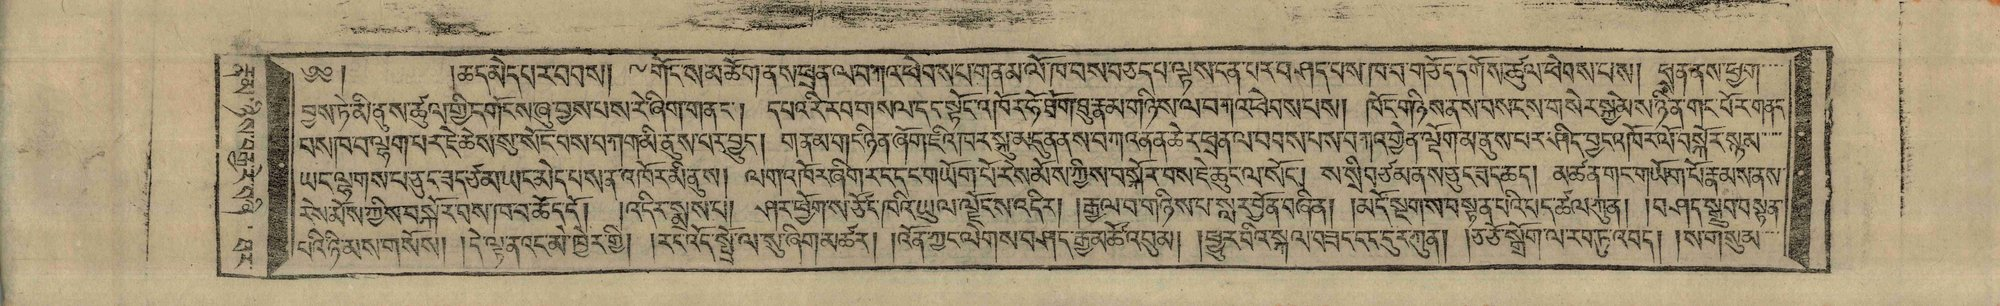༄༅། །ཆད་མེད་པར་བབས། ༧གོང་ས་མཆོག་ནས་ཕྲན་ལ་བཀའ་ཕེབས་པ་གནམ་ལོ་ཁ་བས་བཅད་པ་ལྟས་ངན་པར་བཤད་པས་ཁ་བ་གཅོད་དགོས་ཚུལ་ཕེབས་པས། ཕྲན་ནས་ཕྱག་
བྱས་ཏེ་མི་ནུས་ཚུལ་གྱི་དགོངས་ཞུ་བྱས་པས་རེ་ཞིག་གནང་། དཔའ་རི་རབ་གསལ་དང་སྟོང་འཁོར་ཧོ་ཐོག་ཐུ་རྣམ་གཉིས་ལ་བཀའ་ཕེབས་པས། ཁོང་གཉིས་ནས་བསངས་གསེར་སྐྱེམས་ཉིན་གང་བོར་གནང་
པས་ཁ་བ་ལྷག་པར་ཇེ་ཆེས་སུ་སོང་བས་བཀག་མི་ནུས་པར་བྱུང་། གནམ་གང་ཉིན་ཞོག་ཇའི་ཁར་སྐུ་མདུན་ནས་བཀའ་ནན་ཆེར་ཕྲན་ལ་བབས་པས་བཀའ་གྱེན་ལྡོག་མ་ནུས་པར་ཤིང་བྱང་འཁོར་ལོ་བསྐོར་སྙམ་
ཡང་ལྷགས་པ་ཅུང་ཟད་ཙམ་ཡང་མེད་པས་ན་འཁོར་མི་ནུས། ལག་འཁོར་ཞིག་རང་དང་གཡོག་པོ་རེས་མོས་ཀྱིས་བསྐོར་བས་ཇེ་ཆུང་ལ་སོང་། ས་སྲིབ་ཙམ་ནས་ཅུང་ཟད་ཆད། མཚན་གང་གཡོག་པོ་རྣམས་ནས་
རེས་མོས་ཀྱིས་བསྐོར་བས་ཁ་བ་ཆོད་དོ། །འདིར་སྨྲས་པ། ཤར་ཕྱོགས་ཙོང་ཁའི་ཡུལ་ལྗོངས་འདིར། །རྒྱལ་བ་གཉིས་པ་སླར་བྱོན་བཞིན། །མདོ་སྔགས་བསྟན་པའི་པད་ཚལ་ཀུན། །བཤད་སྒྲུབ་བསྟན་
པའི་ཉི་མས་གསོས། །དེ་ལྟ་ནའང་མེ་ཁྱེར་གྱི། །རང་འོད་སྤྲོ་ལ་སུ་ཞིག་མཚར། །འོན་ཀྱང་ལེགས་བཤད་རྒྱ་མཚོ་འབུམ། །ཕྱུར་བའི་སྐལ་བཟང་ངང་དུར་ཀུན། །ཅ་ཅོ་སྒྲོག་ལ་རབ་ཏུ་འབད། །ས་གསུམ་